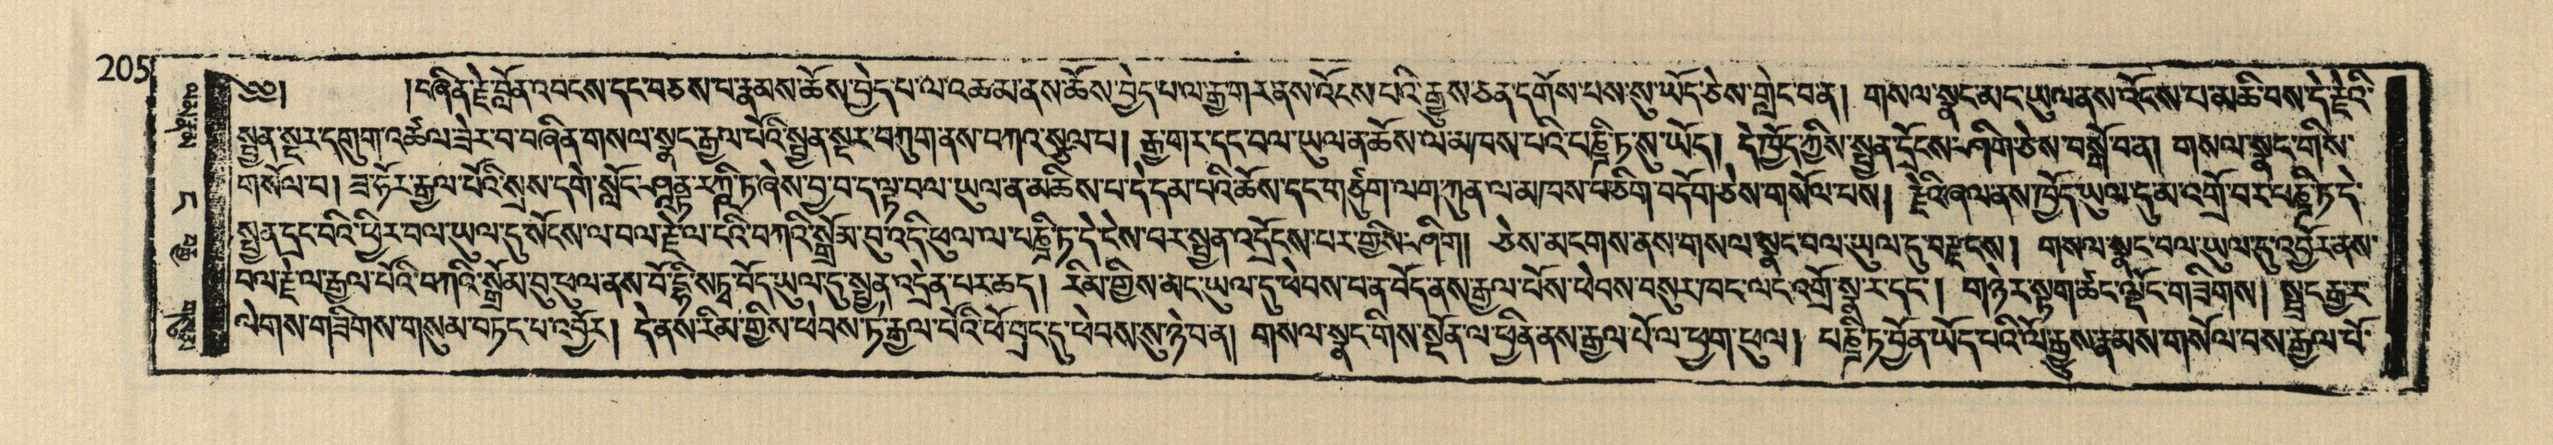༄༅། །བཞིན་རྗེ་བློན་འབངས་དང་བཅས་པ་རྣམས་ཆོས་བྱེད་པ་ལ་འཆམ་ནས་ཆོས་བྱེད་པ་ལ་རྒྱ་གར་ནས་འོངས་པའི་རྒྱུས་ཅན་དགོས་པས་སུ་ཡོད་ཅེས་གླེང་བ་ན། གསལ་སྣང་མང་ཡུལ་ནས་འོངས་པ་མཆི་བས་དེ་རྗེའི་
སྤྱན་སྔར་དགུག་འཚལ་ཟེར་བ་བཞིན་གསལ་སྣང་རྒྱལ་པོའི་སྤྱན་སྔར་བཀུག་ནས་བཀའ་སྩལ་པ། རྒྱ་གར་དང་བལ་ཡུལ་ན་ཆོས་ལ་མཁས་པའི་པཎྜི་ཏ་སུ་ཡོད། དེ་ཁྱོད་ཀྱིས་སྤྱན་དྲོངས་ཤིག་ཅེས་བསྒོ་བ་ན། གསལ་སྣང་གིས་
གསོལ་བ། ཟ་ཧོར་རྒྱལ་པོའི་སྲས་དགེ་སློང་ཤཱནྟ་རཀྵི་ཏ་ཞེས་བྱ་བ་ད་ལྟ་བལ་ཡུལ་ན་མཆིས་པ་དེ་དམ་པའི་ཆོས་དང་གཙུག་ལག་ཀུན་ལ་མཁས་པ་ཅིག་བདོག་ཅེས་གསོལ་པས། རྗེའི་ཞལ་ནས་ཁྱོད་ཡུལ་དུ་མ་འགྲོ་བར་པཎྜི་ཏ་དེ་
སྤྱན་དྲང་བའི་ཕྱིར་བ་ལ་ཡུལ་དུ་སོངས་ལ་བལ་རྗེ་ལ་ངའི་བཀའི་སྒྲོམ་བུ་འདི་ཕུལ་ལ་པཎྜི་ཏ་དེ་ངེས་བར་སྤྱན་འདྲོངས་པར་གྱིས་ཤིག། ཅེས་མངགས་ནས་གསལ་སྣང་བལ་ཡུལ་དུ་བརྫངས། གསལ་སྣང་བལ་ཡུལ་དུ་འབྱོར་ནས་
བལ་རྗེ་ལ་རྒྱལ་པོའི་བཀའི་སྒྲོམ་བུ་ཕུལ་ནས་བོ་དྷི་སཏྭ་བོད་ཡུལ་དུ་སྤྱན་འདྲེན་པར་ཆད། རིམ་གྱིས་མང་ཡུལ་དུ་ཕེབས་པ་ན་བོད་ནས་རྒྱལ་པོས་ཕེབས་བསུར་ཁང་ལང་འགྲོ་སྣར་དང་། གཉེར་སྟག་ཚང་ལྡོང་གཟིགས། སྦྲང་རྒྱར་
ལེགས་གཟིགས་གསུམ་བཏང་པ་འབྱོར། དེ་ནས་རིམ་གྱིས་ཕེབས་ཏེ་རྒྱལ་པོའི་ཕོ་བྲང་དུ་ཕེབས་སུ་ཉེ་བ་ན། གསལ་སྣང་གིས་སྔོན་ལ་ཕྱིན་ནས་རྒྱལ་པོ་ལ་ཕྱག་ཕུལ། པཎྜི་ཏ་བྱོན་ཡོད་པའི་ལོ་རྒྱུས་རྣམས་གསོལ་བས་རྒྱལ་པོ་